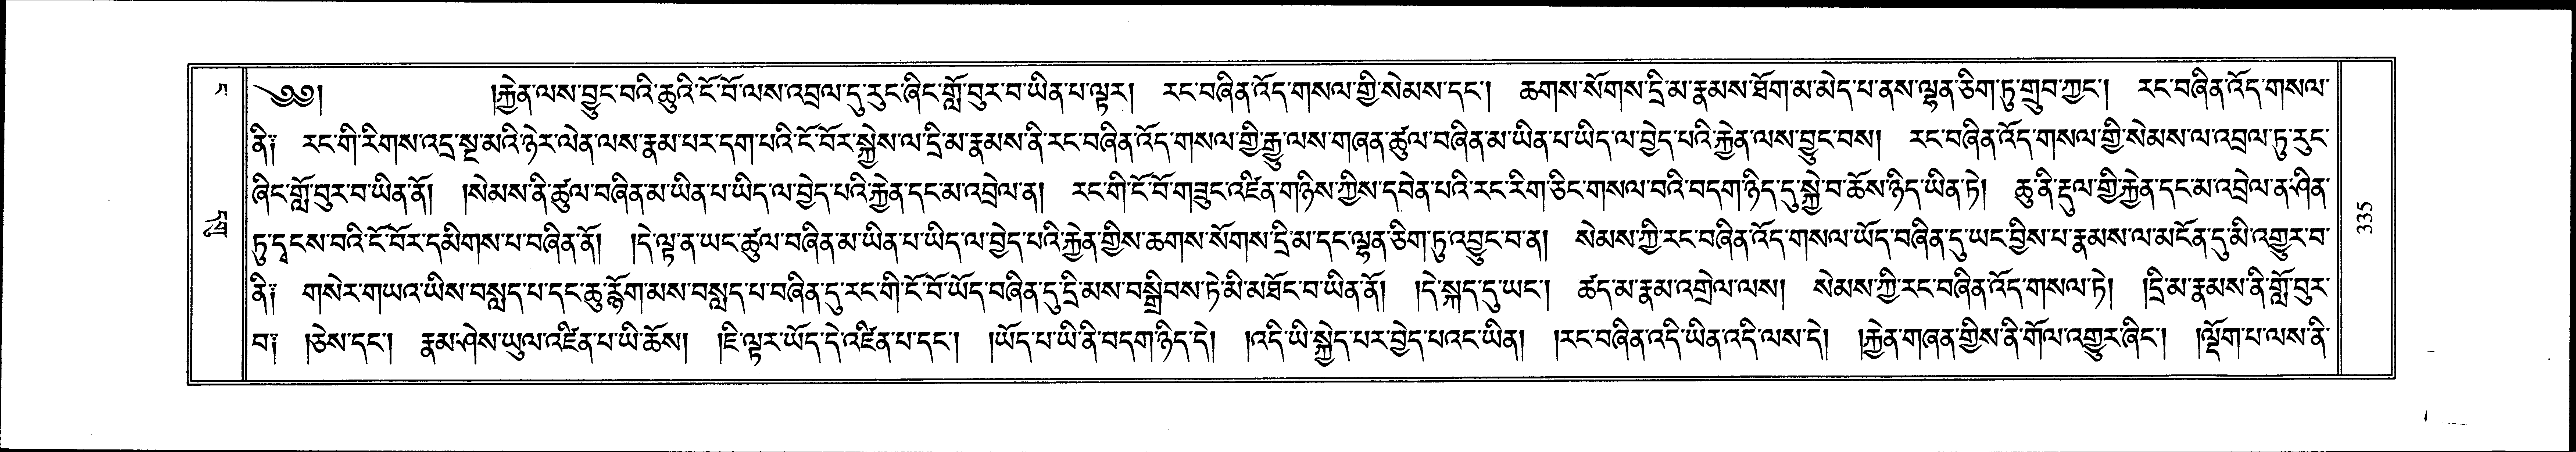༄༅། །རྐྱེན་ལས་བྱུང་བའི་ཆུའི་ངོ་བོ་ལས་འབྲལ་དུ་རུང་ཞིང་གློ་བུར་བ་ཡིན་པ་ལྟར། རང་བཞིན་འོད་གསལ་གྱི་སེམས་དང་། ཆགས་སོགས་དྲི་མ་རྣམས་ཐོག་མ་མེད་པ་ནས་ལྷན་ཅིག་ཏུ་གྲུབ་ཀྱང་། རང་བཞིན་འོད་གསལ་
ནི། རང་གི་རིགས་འདྲ་སྔ་མའི་ཉེར་ལེན་ལས་རྣམ་པར་དག་པའི་ངོ་བོར་སྐྱེས་ལ་དྲི་མ་རྣམས་ནི་རང་བཞིན་འོད་གསལ་གྱི་རྒྱུ་ལས་གཞན་ཚུལ་བཞིན་མ་ཡིན་པ་ཡིད་ལ་བྱེད་པའི་རྐྱེན་ལས་བྱུང་བས། རང་བཞིན་འོད་གསལ་གྱི་སེམས་ལ་འབྲལ་ཏུ་རུང་
ཞིང་གློ་བུར་བ་ཡིན་ནོ། །སེམས་ནི་ཚུལ་བཞིན་མ་ཡིན་པ་ཡིད་ལ་བྱེད་པའི་རྐྱེན་དང་མ་འབྲེལ་ན། རང་གི་ངོ་བོ་གཟུང་འཛིན་གཉིས་ཀྱིས་དབེན་པའི་རང་རིག་ཅིང་གསལ་བའི་བདག་ཉིད་དུ་སྐྱེ་བ་ཆོས་ཉིད་ཡིན་ཏེ། ཆུ་ནི་རྡུལ་གྱི་རྐྱེན་དང་མ་འབྲེལ་ན་ཤིན་
ཏུ་དྭངས་བའི་ངོ་བོར་དམིགས་པ་བཞིན་ནོ། །དེ་ལྟ་ན་ཡང་ཚུལ་བཞིན་མ་ཡིན་པ་ཡིད་ལ་བྱེད་པའི་རྐྱེན་གྱིས་ཆགས་སོགས་དྲི་མ་དང་ལྷན་ཅིག་ཏུ་འབྱུང་བ་ན། སེམས་ཀྱི་རང་བཞིན་འོད་གསལ་ཡོད་བཞིན་དུ་ཡང་བྱིས་པ་རྣམས་ལ་མངོན་དུ་མི་འགྱུར་བ་
ནི། གསེར་གཡའ་ཡིས་བསླད་པ་དང་ཆུ་རྙོག་མས་བསླད་པ་བཞིན་དུ་རང་གི་ངོ་བོ་ཡོད་བཞིན་དུ་དྲི་མས་བསྒྲིབས་ཏེ་མི་མཐོང་བ་ཡིན་ནོ། །དེ་སྐད་དུ་ཡང་། ཚད་མ་རྣམ་འགྲེལ་ལས། སེམས་ཀྱི་རང་བཞིན་འོད་གསལ་ཏེ། དྲི་མ་རྣམས་ནི་གློ་བུར་
བ། །ཅེས་དང་། རྣམ་ཤེས་ཡུལ་འཛིན་པ་ཡི་ཆོས། །ཇི་ལྟར་ཡོད་དེ་འཛིན་པ་དང་། །ཡོད་པ་ཡི་ནི་བདག་ཉིད་དེ། །འདི་ཡི་སྐྱེད་པར་བྱེད་པའང་ཡིན། །རང་བཞིན་འདི་ཡིན་འདི་ལས་དེ། །རྐྱེན་གཞན་གྱིས་ནི་གོལ་འགྱུར་ཞིང་། །ལྡོག་པ་ལས་ནི་